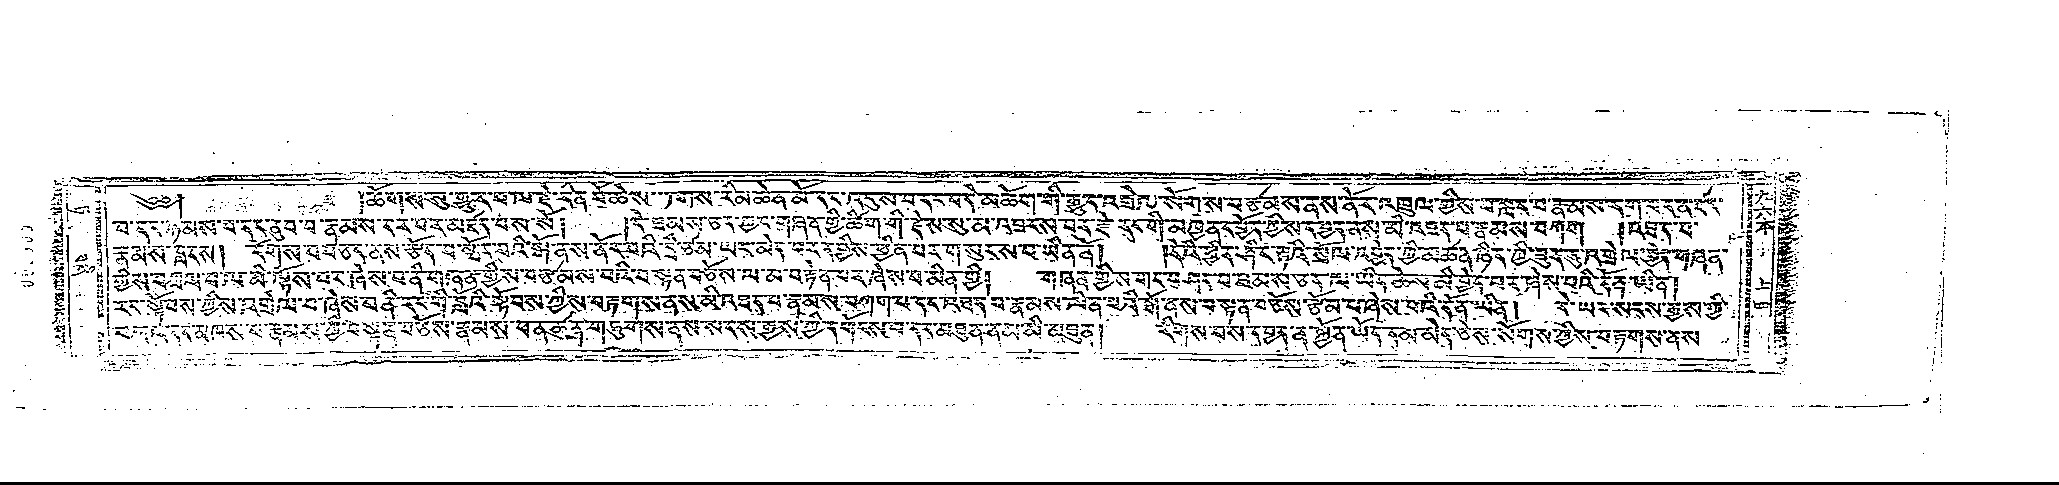༄༅། །ཚོགས་སུ་གྱུར་པ་ལ་རྗེ་རིན་པོ་ཆེས་སྔགས་རིན་ཆེན་མོ་དང་འདུས་པ་དང་བདེ་མཆོག་གི་རྒྱུད་འགྲེལ་སོགས་བརྩམས་ནས་ནོར་འཁྲུལ་གྱིས་བསླད་པ་རྣམས་དག་པར་མཛད་
པ་དང་ཉམས་པ་དང་ཅུབ་པ་རྣམས་དར་བར་མཛད་པས་སོ། །དེ་ཐམས་ཅད་ཀྱང་གཞན་གྱི་ཚིག་གི་རྗེས་སུ་མ་འབྲངས་པར་རྗེ་རང་གི་མཁྱེན་དབྱོད་ཀྱིས་དཔྱད་ནས་མི་འབྲད་པ་རྣམས་བཀག །འཐད་པ་
རྣམས་བླངས། དོགས་པ་བཅད་ནས་རྩོད་པ་སྤོད་པའི་སྒོ་ནས་ནོར་པའི་དྲི་ཙམ་ཡང་མེད་བར་དབྱིས་ཕྱིན་བར་གསུངས་བ་ཡིན་ནོ། །དེའི་ཕྱིར་ཤིང་ཏའི་སྲོམ་འབྱད་ཀྱི་མཚན་ཉིད་ཀྱི་ཟུར་དུ་འགྲེལ་བྱེད་གཞན་
ཕྱིས་བཀྲལ་བ་ལ་མི་ལྟོས་པར་ཞེས་པ་ནི་གཞན་གྱིས་བརྩམས་པའི་བསྟན་བཅོས་ལ་མ་བརྟེན་བར་ཞེས་བ་མིན་གྱི། གཞན་གྱིས་གང་བཤད་པ་ཐམས་ཅད་ལ་ཡིད་ཆེས་མི་བྱེད་བར་ཞེས་པའི་དོན་ཡིན།
རང་སྟོབས་ཀྱིས་འགྲེལ་པ་ཞེས་པ་ནི་རང་གི་བློའི་སྟོབས་ཀྱིས་བརྟགས་ནས་མི་འཐད་པ་རྣམས་བཀག་བ་དང་འཐད་བ་རྣམས་ལེན་པའི་སྒོ་ནས་བསྟན་བཅོས་རྩོམ་པ་ཞེས་པའི་དོན་ཡིན། དེ་ཡང་སངས་རྒྱས་ཀྱི་
བཀའ་དང་མཁས་བ་རྣམས་ཀྱི་བསྟན་བཅོས་རྣམས་ཕན་ཚུན་གཏུགས་ནས་སངས་རྒྱས་ཀྱི་དགོངས་བ་དང་མཐུན་ནམ་མི་མཐུན། རིགས་པས་དཔྱད་ན་སྐྱོན་ཡོད་དམ་མེད་ཅེས་སོགས་ཀྱིས་བརྟགས་ནས་